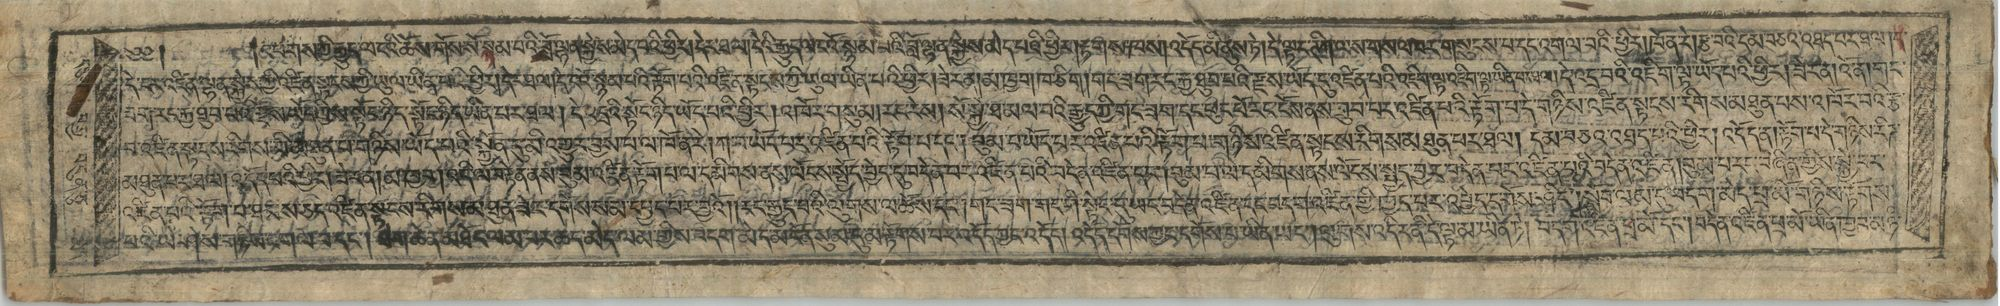༄༅། །འཕགས་ཀྱི་རྒྱུད་ལ་ངའི་ཆོས་གོས་སོ་སྙམ་པའི་བློ་ལྷན་སྐྱེས་མེད་པའི་ཕྱིར། དེར་ཐལ། དེའི་རྒྱུད་ལ་ངའོ་སྙམ་པའི་བློ་ལྷན་སྐྱེས་མེད་པའི་ཕྱིར། རྟགས་ཁས། འདོད་མི་ནུས་ཏེ། དེ་ལྟར་ཊིཀ་ལས་གསལ་བར་གསུངས་པ་དང་འགལ་བའི་ཕྱིར། ཁོ་ན་རེ། རྩ་བའི་དམ་བཅའ་འཐད་པར་ཐལ།
དེ་ངར་འཛིན་ལྷན་སྐྱེས་ཀྱི་འཛིན་སྟངས་ཀྱི་ཡུལ་ཡིན་པའི་ཕྱིར། དེར་ཐལ། དེ་ངའོ་སྙམ་པའི་རྟོག་པའི་འཛིན་སྟངས་ཀྱི་ཡུལ་ཡིན་པའི་ཕྱིར། ཟེར་ན། མ་ཁྱབ། ཁ་ཅིག ། གང་ཟག་རང་རྐྱ་ཐུབ་པའི་རྫས་ཡོད་དུ་འཛིན་པའི་འཇིག་ལྟ་འཇིག་ལྟ་ཡིན་པར་ཐལ། དེ་འདྲ་བའི་འཇིག་ལྟ་ཡོད་པའི་ཕྱིར། ཟེར་ན། འོ་ན། གང་
ཟག་རང་རྐྱ་ཐུབ་པའི་རྫས་ཡོད་ཀྱིས་སྟོང་ཉིད་སྟོང་ཉིད་ཡིན་པར་ཐལ། དེ་འདྲའི་སྟོང་ཉིད་ཡོད་པའི་ཕྱིར། འཁོར་གསུམ། རང་རེས། སོ་སྐྱེ་ཐ་མལ་བའི་རྒྱུད་ཀྱི་གང་ཟག་དང་ཕུང་པོ་རང་ངོས་ནས་གྲུབ་པར་འཛིན་པའི་རྟོག་པ་དེ་གཉིས་འཛིན་སྟངས་རིགས་མཐུན་པས་འཁོར་བའི་རྩ་
བ་འཛིན་སྟངས་རིགས་མི་མཐུན་པ་གཉིས་ཡོད་པའི་སྐྱོན་དུ་མི་འགྱུར་བྱས་པ་ལ་ཁོ་ན་རེ། ཀ་བ་ཡོད་པར་འཛིན་པའི་རྟོག་པ་དང་། བུམ་པ་ཡོད་པར་འཛིན་པའི་རྟོག་པ་གཉིས་འཛིན་སྟངས་རིགས་མཐུན་པར་ཐལ། དམ་བཅའ་འཐད་པའི་ཕྱིར། འདོད་ན། རྟོག་པ་དེ་གཉིས་རིཌ་
མཐུན་པར་ཐལ། འདོད་པའི་ཕྱིར། ཟེར་ན། མ་ཁྱབ། འདི་ལ་བརྟེན་ནས་བུམ་འཛིན་རྟོག་པ་ལ་དམིགས་ནས་ལོངས་སྤྱོད་བྱེད་དུ་བདེན་པར་འཛིན་པའི་བདེན་འཛིན་དང་། བུམ་པ་ལ་དམིགས་ནས་ལོངས་སྤྱད་བྱར་བདེན་པར་འཛིན་པའི་བདེན་འཛིན། བུམ་པ་རང་བཞིན་གྱིས་སྐྱེ་བར་
འཛིན་པའི་རྟོག་པ་ཐམས་ཅད་འཛིན་སྟངས་རིགས་མཐུན་ཟེར་དགོས་སམ་དཔྱད་པར་བྱའོ། །རང་རྒྱུད་པའི་ལུགས་ལ་ཆོས་དང་། གང་ཟག་གང་གི་སྟེང་དུ་ཡང་བདེན་འཛིན་དང་བདག་འཛིན་གྱི་ཁྱད་པར་འབྱེད་དགོས་ཤིང་། སློབ་ལམ་དུ་བདག་མེད་ཕྲ་མོ་གཉིས་རྟོགས་
པའི་ཡེ་ཤེས་གཉིས་འགལ་བ་དང་། ཐེག་ཆེན་མཐོང་ལམ་བར་ཆད་མེད་ལམ་གྱིས་བདག་མེད་མངོན་སུམ་དུ་མ་རྟོགས་པར་འདོད་ཀྱང་འདོད། འདོད་དགོས་ཀྱང་དགོས་པ་ཡིན་ཡང་། ལུགས་འདིར་ནི་དེ་ལྟ་མ་ཡིན་ཏེ། བདག་འཛིན་ཕྲ་མོ་དང་། བདེན་འཛིན་ཕྲ་མོ་ཡིན་ཁྱབ་མཉཾ་